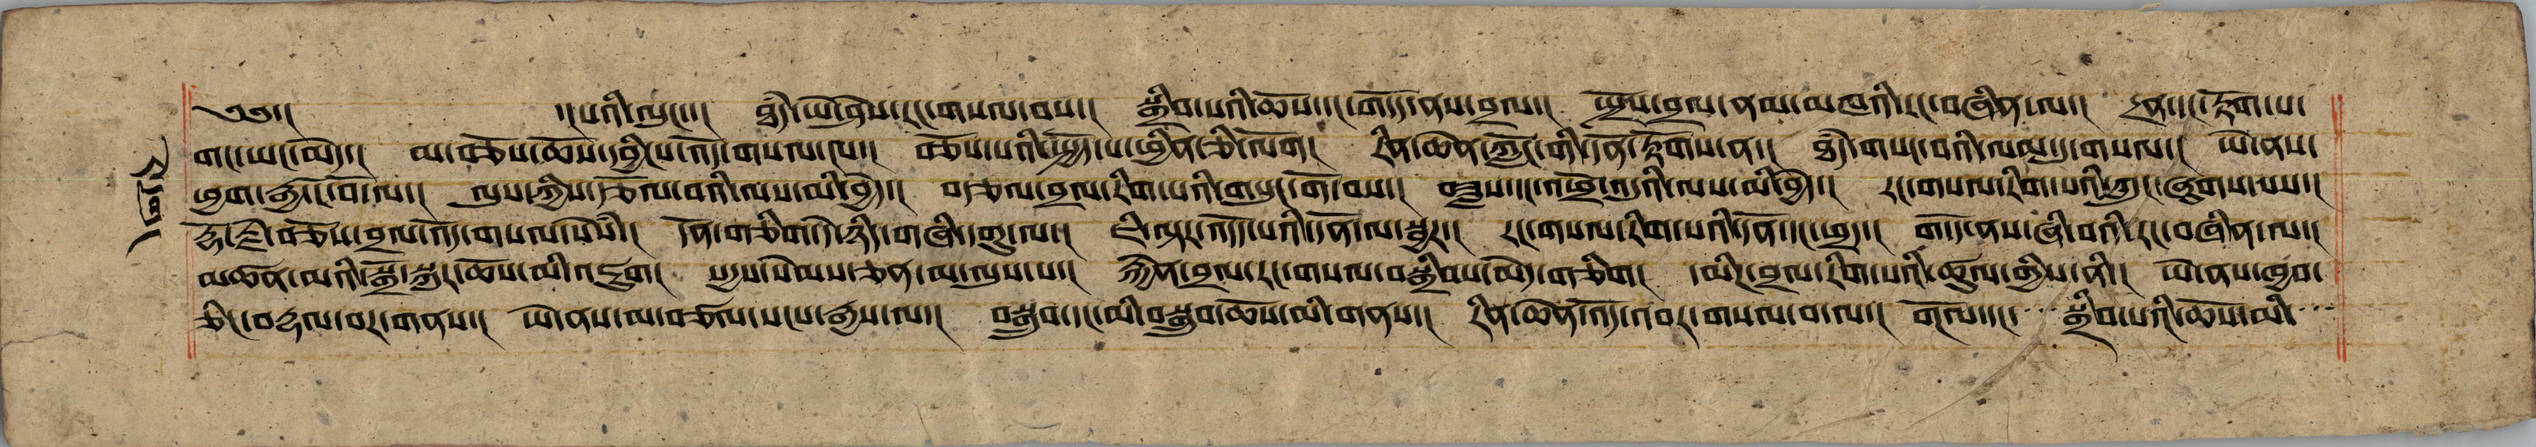༄༅་། ་།པའི་ལུང་་། ཐཾད་ཡེ་ཤེས་རང་གསལ་བས་། སྒྲིབ་པའི་ཆོས་དང་གདོད་ནས་བྲལ་། སྤྲོས་བྲལ་ནམ་མཁའི་རང་བཞིན་ལ་། དྲན་དང་རྟོག་པ་
གང་ཡང་མེད་། མ་བཅོས་ཆོས་དབྱིངས་འོད་གསལ་ངས་། བཅོས་པའི་སྤྱོད་པ་ཕྱིན་ཅི་ལོག། རིན་ཆེན་ཀློང་གི་དོན་རྟོགས་ན་། ཐཾད་གསང་བའི་ལམ་དུ་གསལ་། ཡེ་ནས་
ཕྱག་རྒྱ་ངོ་བོ་ལ་། ལུས་ཀྱིས་རྩོལ་བའི་ལས་མི་བྱེད་། བརྩལ་བྲལ་རིག་པའི་གསུང་གོ་བས་། བཟླས་དང་འཕྲོ་འདུའི་ལས་མི་བྱེད་། རང་གསལ་རིག་པའི་ཀླུང་ཞུགས་པས་།
རྡོ་རྗེ་བཅོས་བྲལ་འོད་གསལ་སེཾས་། དོན་གཅིག་དེ་ཉིད་གཞི་དགུ་ལ་། ཇི་ལྟར་འདོད་པའི་དོན་ལ་སྦྱར་། རང་གསལ་རིག་པའི་དོན་དང་ཕྲད་། གདོད་ནས་ཞི་བའི་རང་བཞིན་ལ་།
མཚན་མའི་སྒྲོ་སྐུར་ཆོས་མི་འཇུག། སདྱས་སེམས་ཅན་མ་ལུས་པ་། རྐྱེན་བྲལ་རང་གསལ་བསྒྲིབས་མེད་གཅིག། དམིཌ་བྲལ་རིག་པའི་ཚུལ་གྱིས་ནི་། ཡེ་ནས་ཁྱབ་
ཅིང་བརྡལ་བར་གནས་། ཡེ་ནས་མ་བཙལ་སངས་རྒྱས་ལ་། བསྒྲུབ་དང་མི་བསྒྲུབ་ཆོས་མི་གནས་། རིན་ཆེན་འོད་འབར་གསལ་བ་ལ་། གོལ་དང་ སྒྲིབ་པའི་ཆོས་མི་